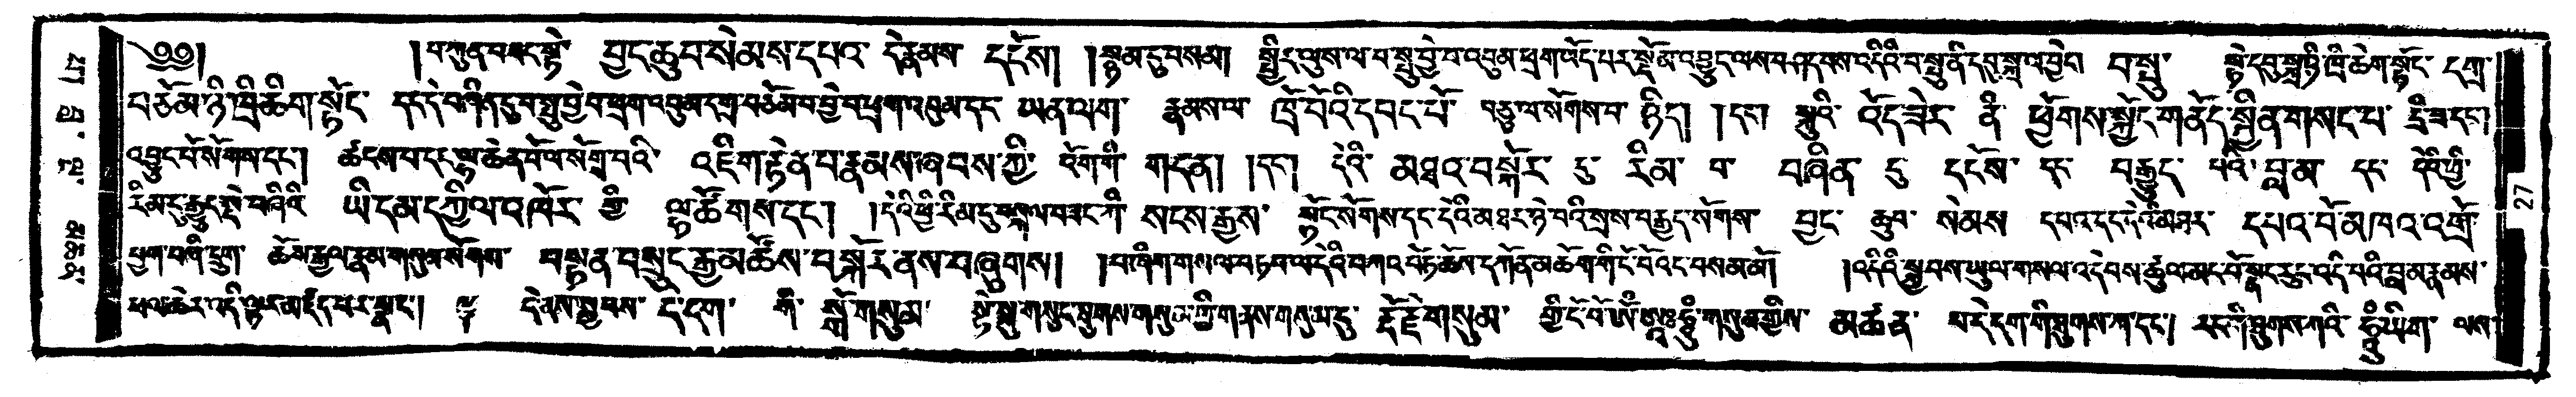༄༅། །བ་ཀུན་བཟང་སྟེ་བྱང་ཆུབ་སེམས་དཔའ་དེ་རྣམས་དངོས། །སྙམ་དུ་བསམ། སྤྱིར་ལུས་ལ་བ་སྤུ་བྱེ་བ་འབུམ་ཕྲག་ཡོད་པར་སྡོམ་འབྱུང་ལས་བཤད་པས་འདིའི་བ་སྤུ་ནི་དབུ་སྐྲལ་བྱེད། པ་སྤུ་སྟེ་དབུ་སྐྲ་ཉི་ཁྲི་ཆིག་སྟོང་དགྲ་
བཅོམ་ཉི་ཁྲི་ཆིག་སྟོང་དང་དེ་བཞིན་དུ་བ་སྤུ་བྱེ་བ་ཕྲག་འབུམ་དགྲ་བཅོམ་པ་བྱེ་བ་ཕྲག་འབུམ་དང་ཡན་ལག་རྣམས་ལ་ཁྲོ་བོའི་དབང་པོ་བཅུ་ལ་སོགས་པ་ཉིད། །དང་། སྐུའི་འོད་ཟེར་ནཾ་ཕྱོགས་སྐྱོང་གནོད་སྦྱིན་གསང་པ་དྲི་ཟ་དང་།
འབྱུང་པོ་སོགས་དང་། ཚངས་པ་དང་ལྷ་ཆེན་པོ་ལ་སོགས་པའི་འཇིག་རྟེན་པ་རྣམས་ཞབས་ཀྱི་འོག་གི་གདན། །དང་། དེའི་མཐའ་བསྐོར་དུ་རིམ་པ་བཞིན་དུ་དངོས་དང་བརྒྱུད་པའི་བླ་མ་དང་དེའི་ཕྱི་
རིམ་དུ་རྒྱུད་སྡེ་བཞིའི་ཡི་དམ་དཀྱིལ་འཁོར་གྱི་ལྷ་ཚོགས་དང་། །དེའི་ཕྱི་རིམ་དུ་བསྐལ་བཟང་གི་སངས་རྒྱས་སྟོང་སོགས་དང་དེའི་མཐར་ཉེ་བའི་སྲས་བརྒྱད་སོགས་བྱང་ཆུབ་སེམས་དཔའ་དང་དེའི་མཐར་དཔའ་བོ་མཁའ་འགྲོ་
ཕྱག་བཞི་དྲུག་ཆོས་རྒྱལ་རྣམ་གསུམ་སོགས་བསྟན་བསྲུང་རྒྱ་མཚོས་བསྐོར་ནས་བཞུགས། །པ་ཞིག་གསལ་བཏབ་ལ་དེའི་བཀའ་བོ་ཏ་ཆོས་དཀོན་མཆོག་གི་ངོ་བོའང་བསམ་མོ། །འདིའི་སྐྱབས་ཡུལ་གསལ་འདེབས་ཚུལ་མང་པོ་སྣང་རུང་འདི་བའི་བླ་མ་རྣམས་
ཕལ་ཆེར་འདི་ལྟར་མཛད་པར་སྣང་། ༈ དེ་ནས་སྐྱབས་དེ་དག་གི་སྒོ་གསུམ་སྟེ་སྐུ་གསུང་ཐུགས་གསུམ་གྱི་གནས་གསུམ་དུ་རྡོ་རྗེ་གསུམ་གྱི་ངོ་བོ་ཨོཾ་ཨཱཿཧཱུཾ་གསུམ་གྱིས་མཚན་པ་དེ་དག་གི་ཐུགས་ཀ་དང་། རང་གི་ཐུགས་ཀའི་ཧཱུཾ་ཡིག་ལས་